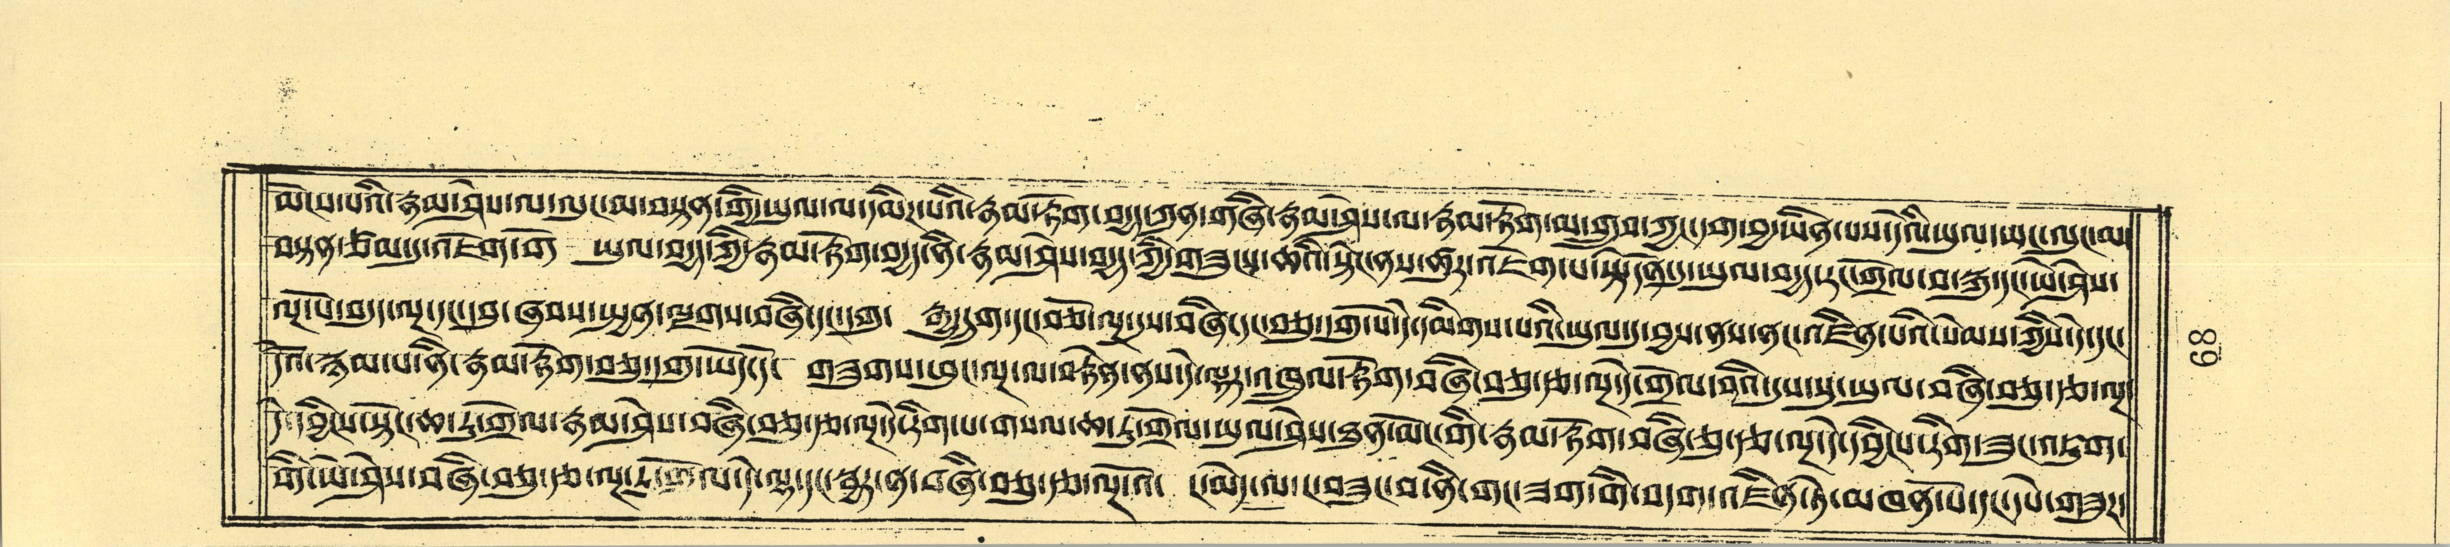མོངས་པའི་རྣམ་ཤེས་ལ་ལུང་མ་བསྟན་གྱི་ཡུལ་ལ་དམིགས་པའི་རྣམ་རྟོག་བརྒྱད། ཀུན་གཞི་རྣམ་ཤེས་ལ་རྣམ་རྟོག་མ་གྲུབ་ཀྱང་དག་བྱ་ཡིན་པས་དེའི་ཡུལ་ཡང་ལུང་མ་
བསྟན་ཙམ་དུ་འཇོག་གོ ཡུལ་བརྒྱད་ཀྱི་རྣམ་རྟོག་བརྒྱད་ནི་རྣམ་ཤེས་བརྒྱད་ཀྱི་གཟུང་ཆའི་སྟེང་ནས་ཚུར་འཇོག་པ་སྟེ་དོན་དུ་ཡུལ་བརྒྱད་རང་གྲོལ་བ་དང་སྐུ་དང་ཡེ་ཤེས་
ལྔ་པོ་བདུད་ལྔ་དང་དབུ་ཞབས་སྤྱན་ལྗགས་བཞི་དང་དགུ་ རྒྱུ་དྲུག་དང་བཅོ་ལྔ་དུས་བཞི་དང་བཅུ་དགུ་པོ་དེ་དམིགས་པའི་ཡུལ་དུ་བྱས་ནས་ནང་འཛིན་པའི་སེམས་ཀྱིས་དེ་དང་
དེའོ་སྙམ་པ་ནི་རྣམ་རྟོག་བཅུ་དགུ་ཡོད་དོ། གཟུགས་ཕུང་ལྔ་ལ་བརྟེན་ནས་དེ་ལྟར་འཁྲུལ་རྟོག་བཞི་བཅུ་རྩ་ལྔ་དེ་གྲོལ་བའི་དུས་སུ་ཡུལ་བཞི་བཅུ་རྩ་ལྔ་
དེ་དབྱིངས་སྟོང་ཆ་རུ་གྲོལ་རྣམ་ཤེས་བཞི་བཅུ་རྩ་ལྔ་དེ་རིག་པ་གསལ་ཆ་རུ་གྲོལ་ཡུལ་ཤེས་ཐུན་མོང་གི་རྣམ་རྟོག་བཞི་བཅུ་རྩ་ལྔ་དེ་དབྱིངས་རིག་ཟུང་འཇུག་
གི་ཡེ་ཤེས་བཞི་བཅུ་རྩ་ལྔ་རུ་གྲོལ་དེ་ལྷ་དང་སྦྱར་ན་བཞི་བཅུ་རྩ་ལྔའོ། །ང་མེད་ང་བཟུང་བ་ནི་གང་ཟག་གི་བདག་འཛིན་ཏེ་མཁན་པོ་དང་དཔེ་གཟུགས་